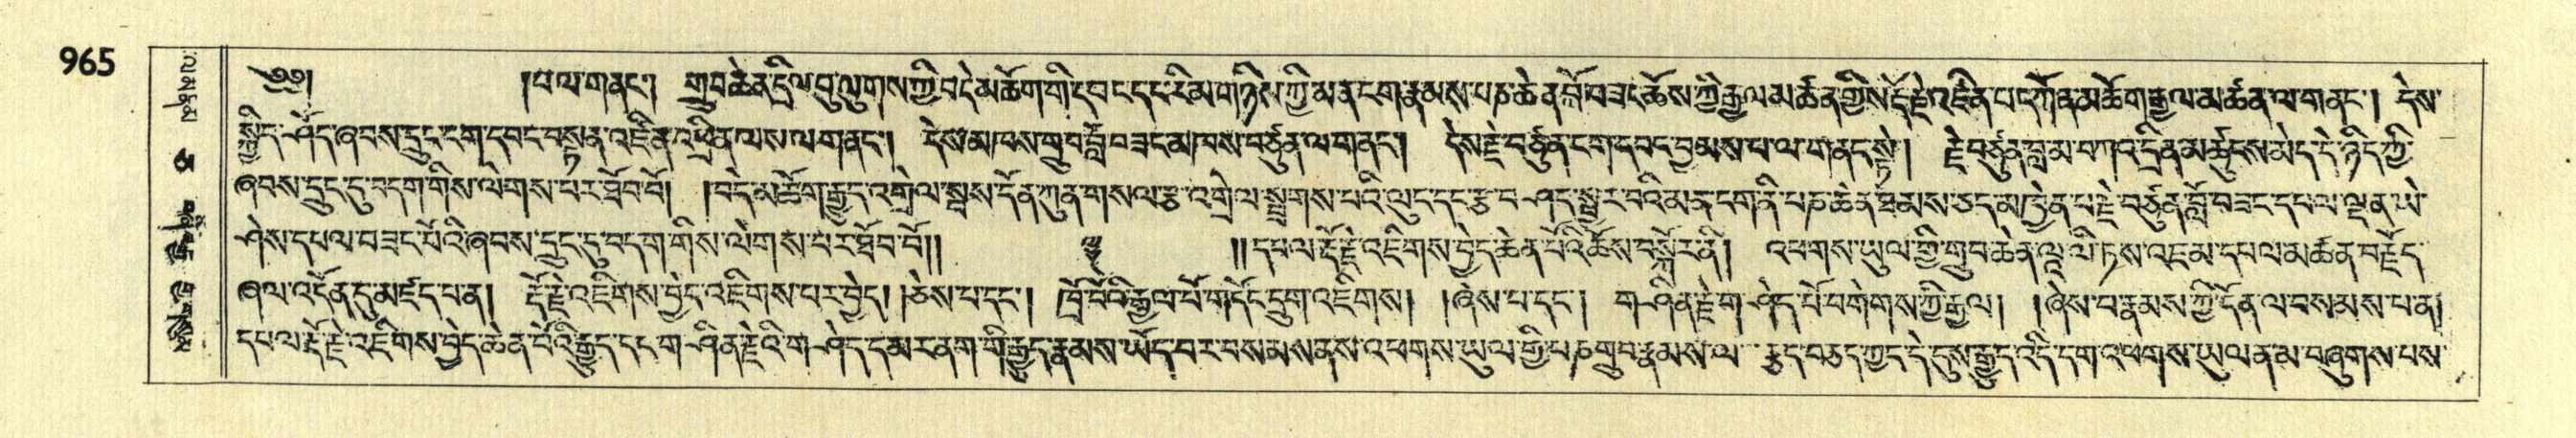༄༅། །པ་ལ་གནང་། གྲུབ་ཆེན་དྲིལ་བུ་ལུགས་ཀྱི་བདེ་མཆོག་གི་དབང་དང་རིམ་གཉིས་ཀྱི་མན་ངག་རྣམས་པཎ་ཆེན་བློ་བཟང་ཆོས་ཀྱི་རྒྱལ་མཚན་གྱིས་རྡོ་རྗེ་འཛིན་པ་དཀོན་མཆོག་རྒྱལ་མཚན་ལ་གནང་། དེས་
སྐྱིད་ཤོད་ཞབས་དྲུང་ངག་དབང་བསྟན་འཛིན་འཕྲིན་ལས་ལ་གནང་། དེས་མཁས་གྲུབ་བློ་བཟང་མཁས་བཙུན་ལ་གནང་། དེས་རྗེ་བཙུན་ངག་དབང་བྱམས་པ་ལ་གནང་སྟེ། རྗེ་བཙུན་བླ་མ་བཀའ་དྲིན་མཚུངས་མེད་དེ་ཉིད་ཀྱི་
ཞབས་དྲུང་དུ་བདག་གིས་ལེགས་པར་ཐོབ་བོ། །བདེ་མཆོག་རྒྱུད་འགྲེལ་སྦས་དོན་ཀུན་གསལ་རྩ་འགྲེལ་སྤྲགས་པའི་ལུང་དང་རྩ་བཤད་སྦྱར་བའི་མན་ངག་ནི་པཎ་ཆེན་ཐམས་ཅད་མཁྱེན་པ་རྗེ་བཙུན་བློ་བཟང་དཔལ་ལྡན་ཡེ་
ཤེས་དཔལ་བཟང་པོའི་ཞབས་དྲུང་དུ་བདག་གིས་ལེགས་པར་ཐོབ་བོ།། ༈ །།དཔལ་རྡོ་རྗེ་འཇིགས་བྱེད་ཆེན་པོའི་ཆོས་བསྐོར་ནི། འཕགས་ཡུལ་གྱི་གྲུབ་ཆེན་ལཱ་ལི་ཏ་ས་འཇམ་དཔལ་མཚན་བརྗོད་
ཞལ་འདོན་དུ་མཛད་པ་ན། རྡོ་རྗེ་འཇིགས་བྱེད་འཇིགས་པར་བྱེད། །ཅེས་པ་དང་། ཁྲོ་བོའི་རྒྱལ་པོ་གདོང་དྲུག་འཇིགས། །ཞེས་པ་དང་། གཤིན་རྗེ་གཤེད་པོ་བགེགས་ཀྱི་རྒྱལ། །ཞེས་པ་རྣམས་ཀྱི་དོན་ལ་བསམས་པ་ན།
དཔལ་རྡོ་རྗེ་འཇིགས་བྱེད་ཆེན་པོའི་རྒྱུད་དང་གཤིན་རྗེའི་གཤེད་དམར་ནག་གི་རྒྱུད་རྣམས་ཡོད་བར་བསམས་ནས་འཕགས་ཡུལ་གྱི་པཎ་གྲུབ་རྣམས་ལ་རྩད་བཅད་ཀྱང་དེ་དུས་རྒྱུད་འདི་དག་འཕགས་ཡུལ་ན་མ་བཞུགས་པས་